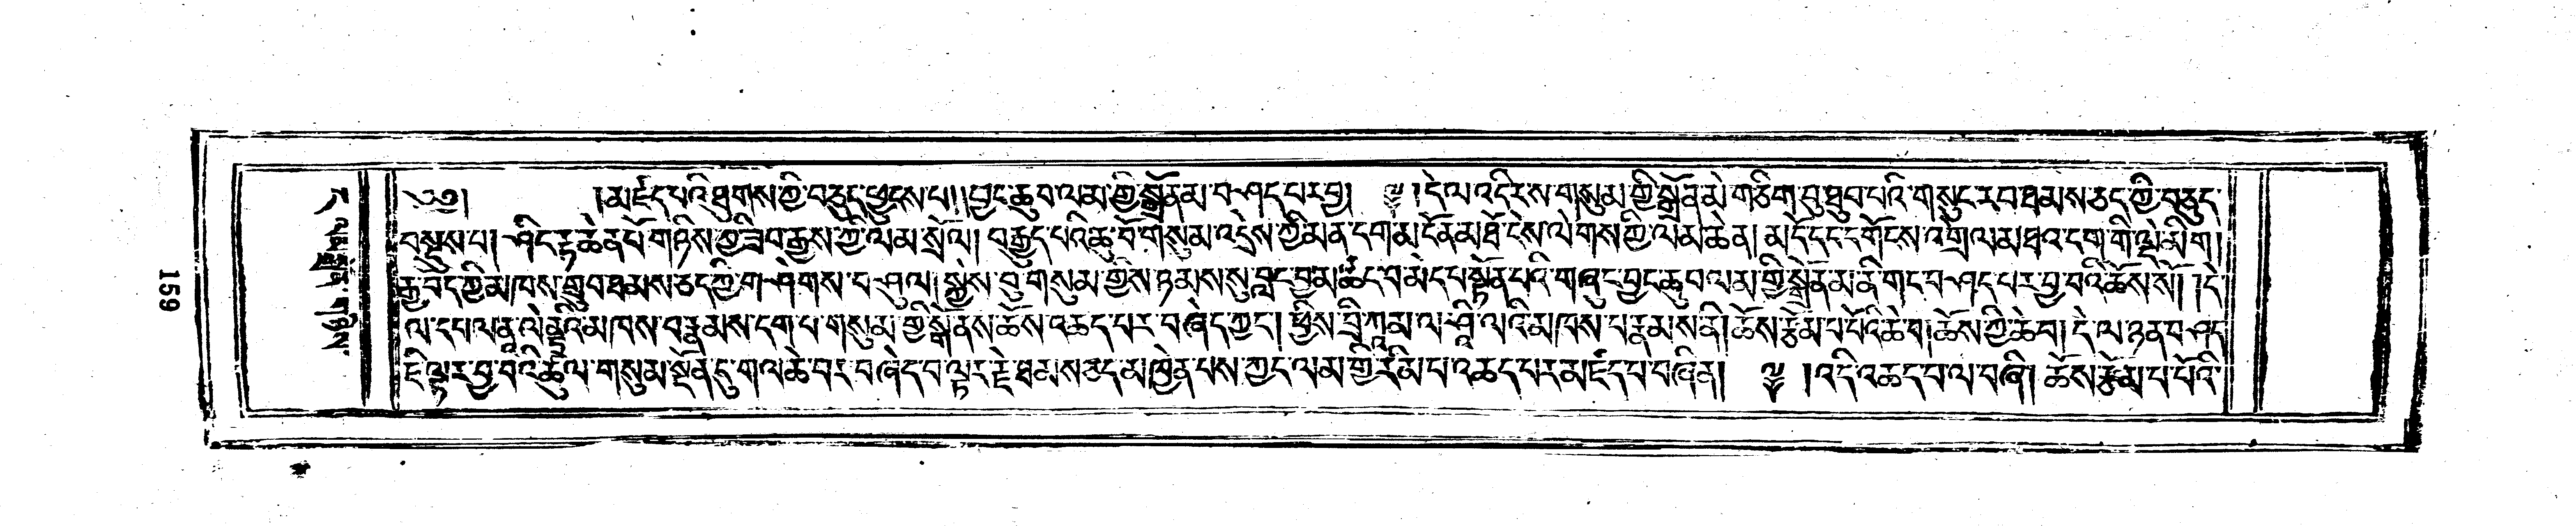༄༅། །མཛད་པའི་ཐུགས་ཀྱི་བཅུད་ཕྱུངས་པ། །བྱང་ཆུབ་ལམ་གྱི་སྒྲོན་མ་བཤད་པར་བྱ། ༈ །དེ་ལ་འདིར་ས་གསུམ་གྱི་སྒྲོན་མེ་གཅིག་པུ་ཐུབ་པའི་གསུང་རབ་ཐམས་ཅད་ཀྱི་བཅུད་
བསྡུས་པ། ཤིང་རྟ་ཆེན་པོ་གཉིས་ཀྱི་ཟབ་རྒྱས་ཀྱི་ལམ་སྲོལ། བརྒྱུད་པའི་ཆུ་བོ་གསུམ་འདྲེས་ཀྱི་མན་ངག་མངོན་མཐོ་ངེས་ལེགས་ཀྱི་ལམ་ཆེན། མདོ་དང་དགོངས་འགྲེལ་མཐའ་དག་གི་ལྡེ་མིག །
རྒྱ་བོད་ཀྱི་མཁས་གྲུབ་ཐམས་ཅད་ཀྱི་གཤེགས་བཤུ་ལ། སྐྱེས་བུ་གསུམ་གྱིས་ཉམས་སུ་བླང་བྱ་མ་ཚང་བ་མེད་པ་སྟོན་པའི་གཞུང་བྱང་ཆུབ་ལམ་གྱི་སྒྲོན་མ་ནི་གང་བཤད་པར་བྱ་བའི་ཆོས་སོ། །དེ་
ལ་དཔལ་ནཱ་ལེནྟྲའི་མཁས་པ་རྣམས་དག་པ་གསུམ་གྱི་སྒོ་ནས་ཆོས་འཆད་པར་བཞེད་ཀྱང་། ཕྱིས་བྲི་ཀཱ་མ་ལ་ཤཱི་ལའི་མཁས་པ་རྣམས་ནི། ཆོས་རྩོམ་པ་པོའི་ཆེ་བ། ཆོས་ཀྱི་ཆེ་བ། དེ་ལ་ཉན་བཤད་
ཇི་ལྟར་བྱ་བའི་ཚུལ་གསུམ་སྔོན་དུ་གལ་ཆེ་བར་བཞེད་པ་ལྟར་རྗེ་ཐམས་ཅད་མཁྱེན་པས་ཀྱང་ལམ་གྱི་རིམ་པ་འཆད་པར་མཛད་པ་བཞིན། ༈ །འདི་འཆད་པ་ལ་བཞི། ཆོས་རྩོམ་པ་པོའི་